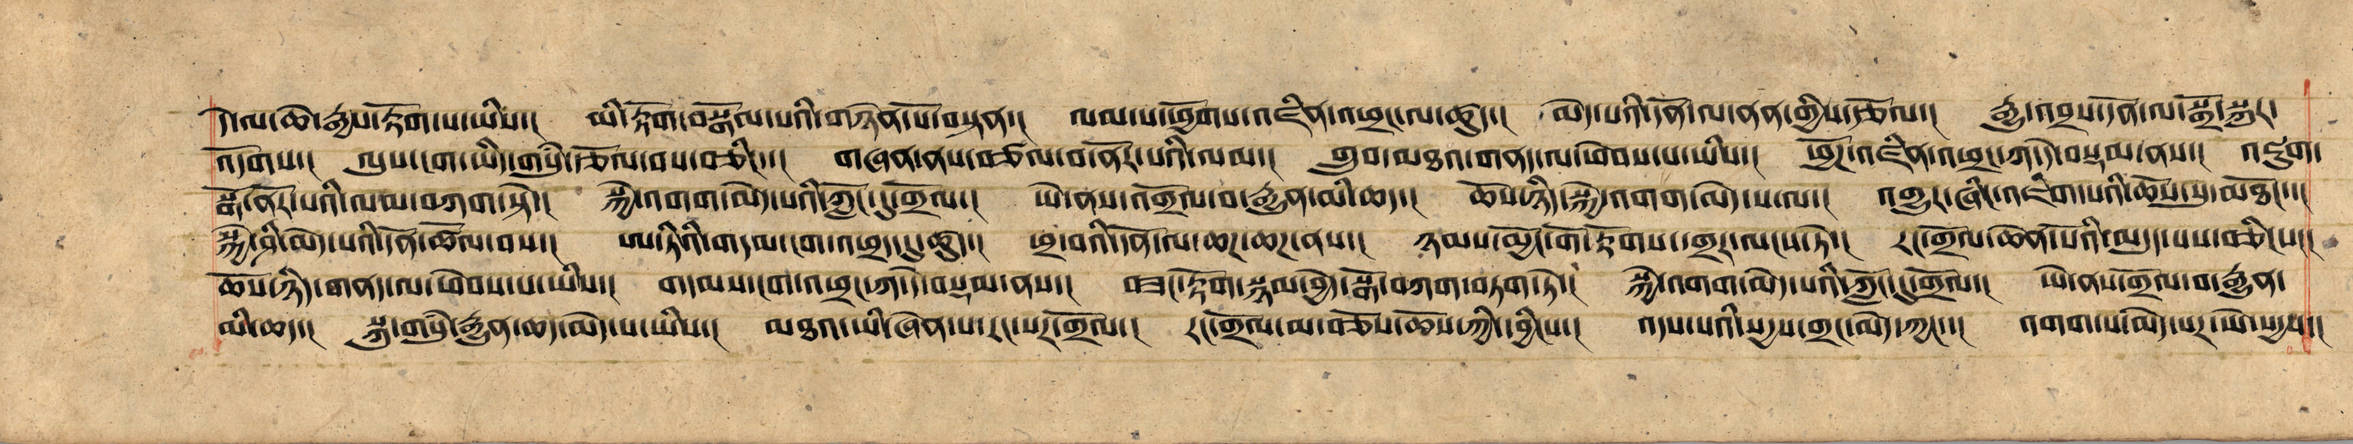དེ་ལ་ཆེ་རྒྱས་རྟོག་པ་ཡིས་། མི་རྟོག་བསྒོལ་པའི་གཉེན་པོ་བསྟན་། ལམ་པ་ཕྱོགས་འཛིན་འཕྲང་ལ་ཚུད་། མེད་པའི་དོན་ལ་ནན་གྱིས་རྩོལ་། རྒྱུ་འབྲས་དོན་ལ་སྒྲོ་སྐུར་
འདོགས་། ལུས་ངག་ཡིད་གསུཾ་རྩོལ་བས་བཅིང་་། གཞན་ནས་བཙལ་བ་ནོར་པའི་ལམ་། གྲུབ་མཐའ་གནད་ལ་ཕེབས་པ་ཡིས་། ཕྱོཌ་འཛིན་འཕྲང་ཀ་དེ་བསྡམ་ནས་། འཇུག་
སྒོ་ནོར་པའི་ལམ་བཀག་སྟེ་། སྐྱེ་འགག་མེད་པའི་ཀློང་དུ་གྲོལ་། ཡེ་ནས་འགྲོལ་བ་རྒྱུན་མི་ཆད་། ཆོས་ཉིད་སྐྱེ་འགག་མེད་པ་་ལ་། འགྱུར་ཞིང་འཇིག་པའི་ཆོས་སུ་མཐོང་་།
སྐྱེ་ཤི་མེད་པའི་དོན་ཚོལ་བས་། ཨ་ཏིའི་གདམ་ངག་འཕྲད་དུ་ཚུད་། ཕྲ་བའི་དོན་ལ་ཆཌ་ཆཌ་ནས་། ཉམས་མྱོང་གོ་རྟོགས་དགྲར་ལངས་ཏེ་། རང་གྲོལ་ཆེན་པོའི་མདུད་པས་བཅིངས།།།
ཆོས་ཉིད་གནད་ལ་ཕེབས་པ་ཡིས་། གདམས་ངག་འཕྲང་ཀ་དེ་བསྡམ་ནས་། བཟང་རྟོག་སྙམ་བྱེད་སྒོ་བཀག་བཏག་ཏེ་། སྐྱེ་འགག་མེད་པའི་ཀློང་དུ་གྲོལ་། ཡེ་ནས་གྲོལ་བ་རྒྱུན་
མི་ཆད་།། སྐུ་གསུཾ་རྒྱུན་ཆད་མེད་པ་ཡིས་། མཐའ་ཡི་ཞེན་པ་རང་སར་གྲོལ་། རང་གྲོལ་མ་བཅོས་ཆོས་ཀྱི་དབྱིངས་། འདས་པའི་སདྱས་གྲང་མེད་ཀྱང་་། འགག་པ་མེད་པར་ཡེ་སདྱས་།